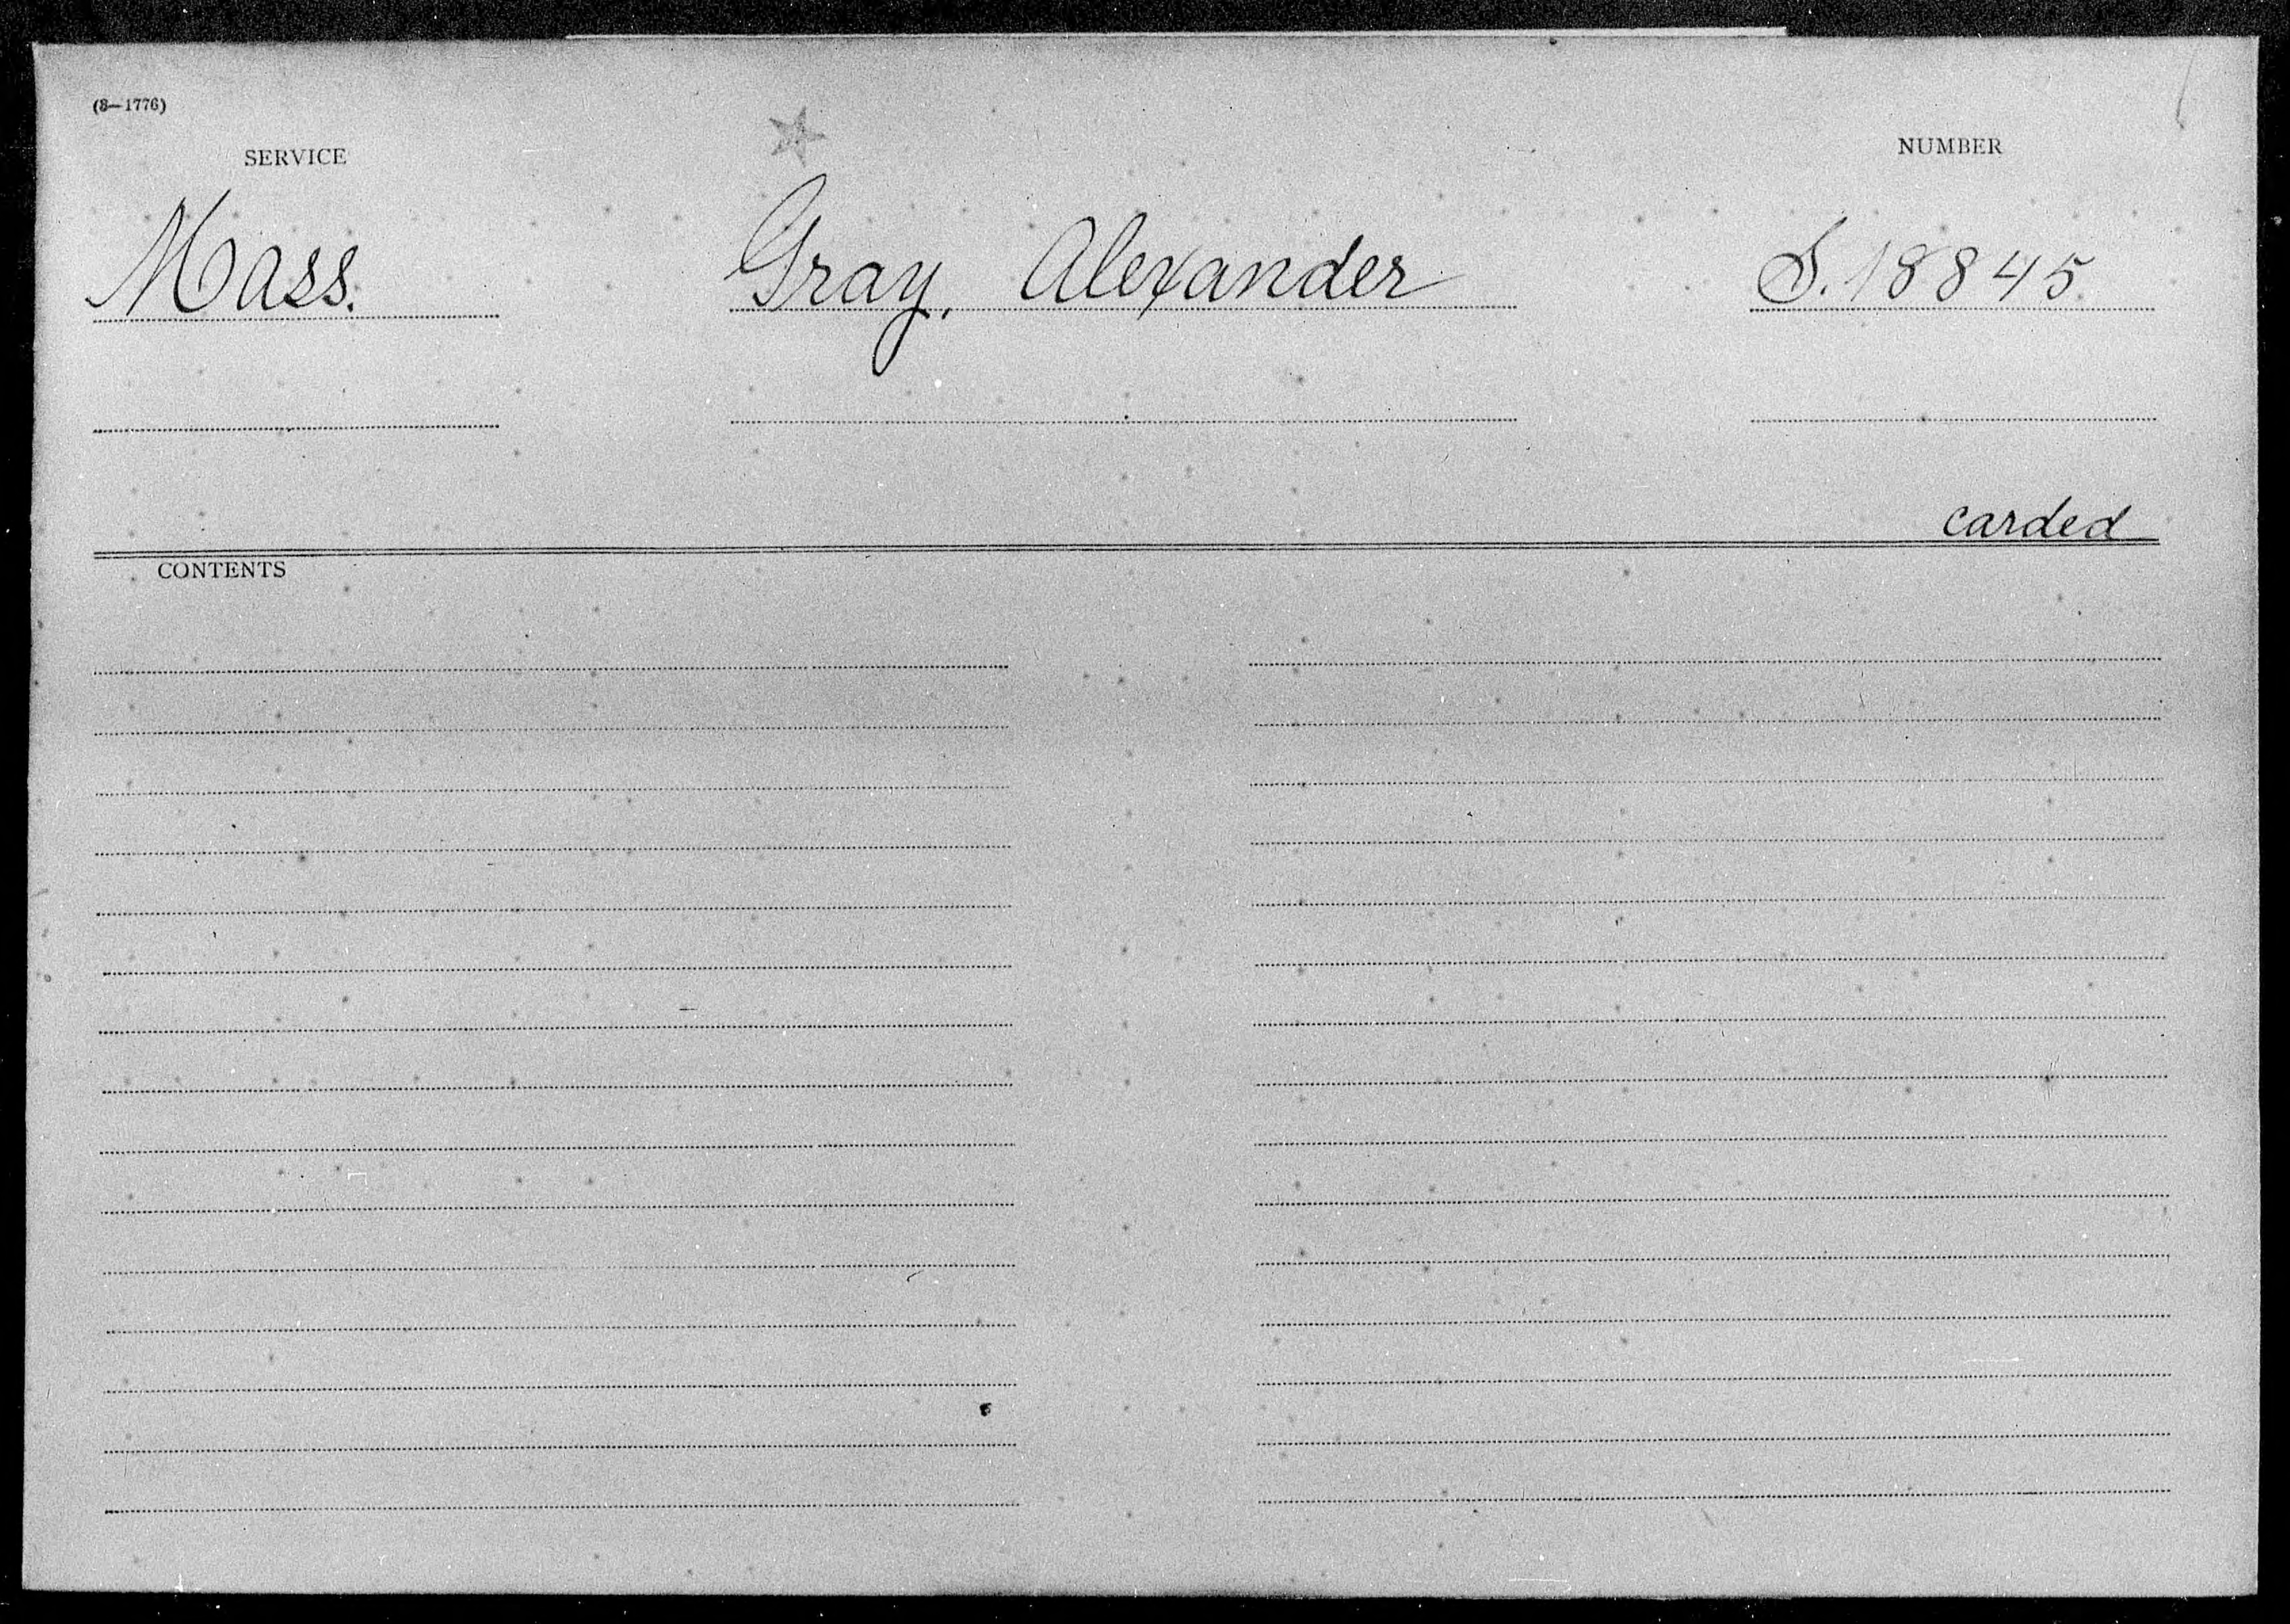SERVICE
Mass.
FRANK
Gray, Alexander
NUMBER
S. 18845
carded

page: 1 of 13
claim: survivor's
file: S. 18845, Alexander Gray, Mass.